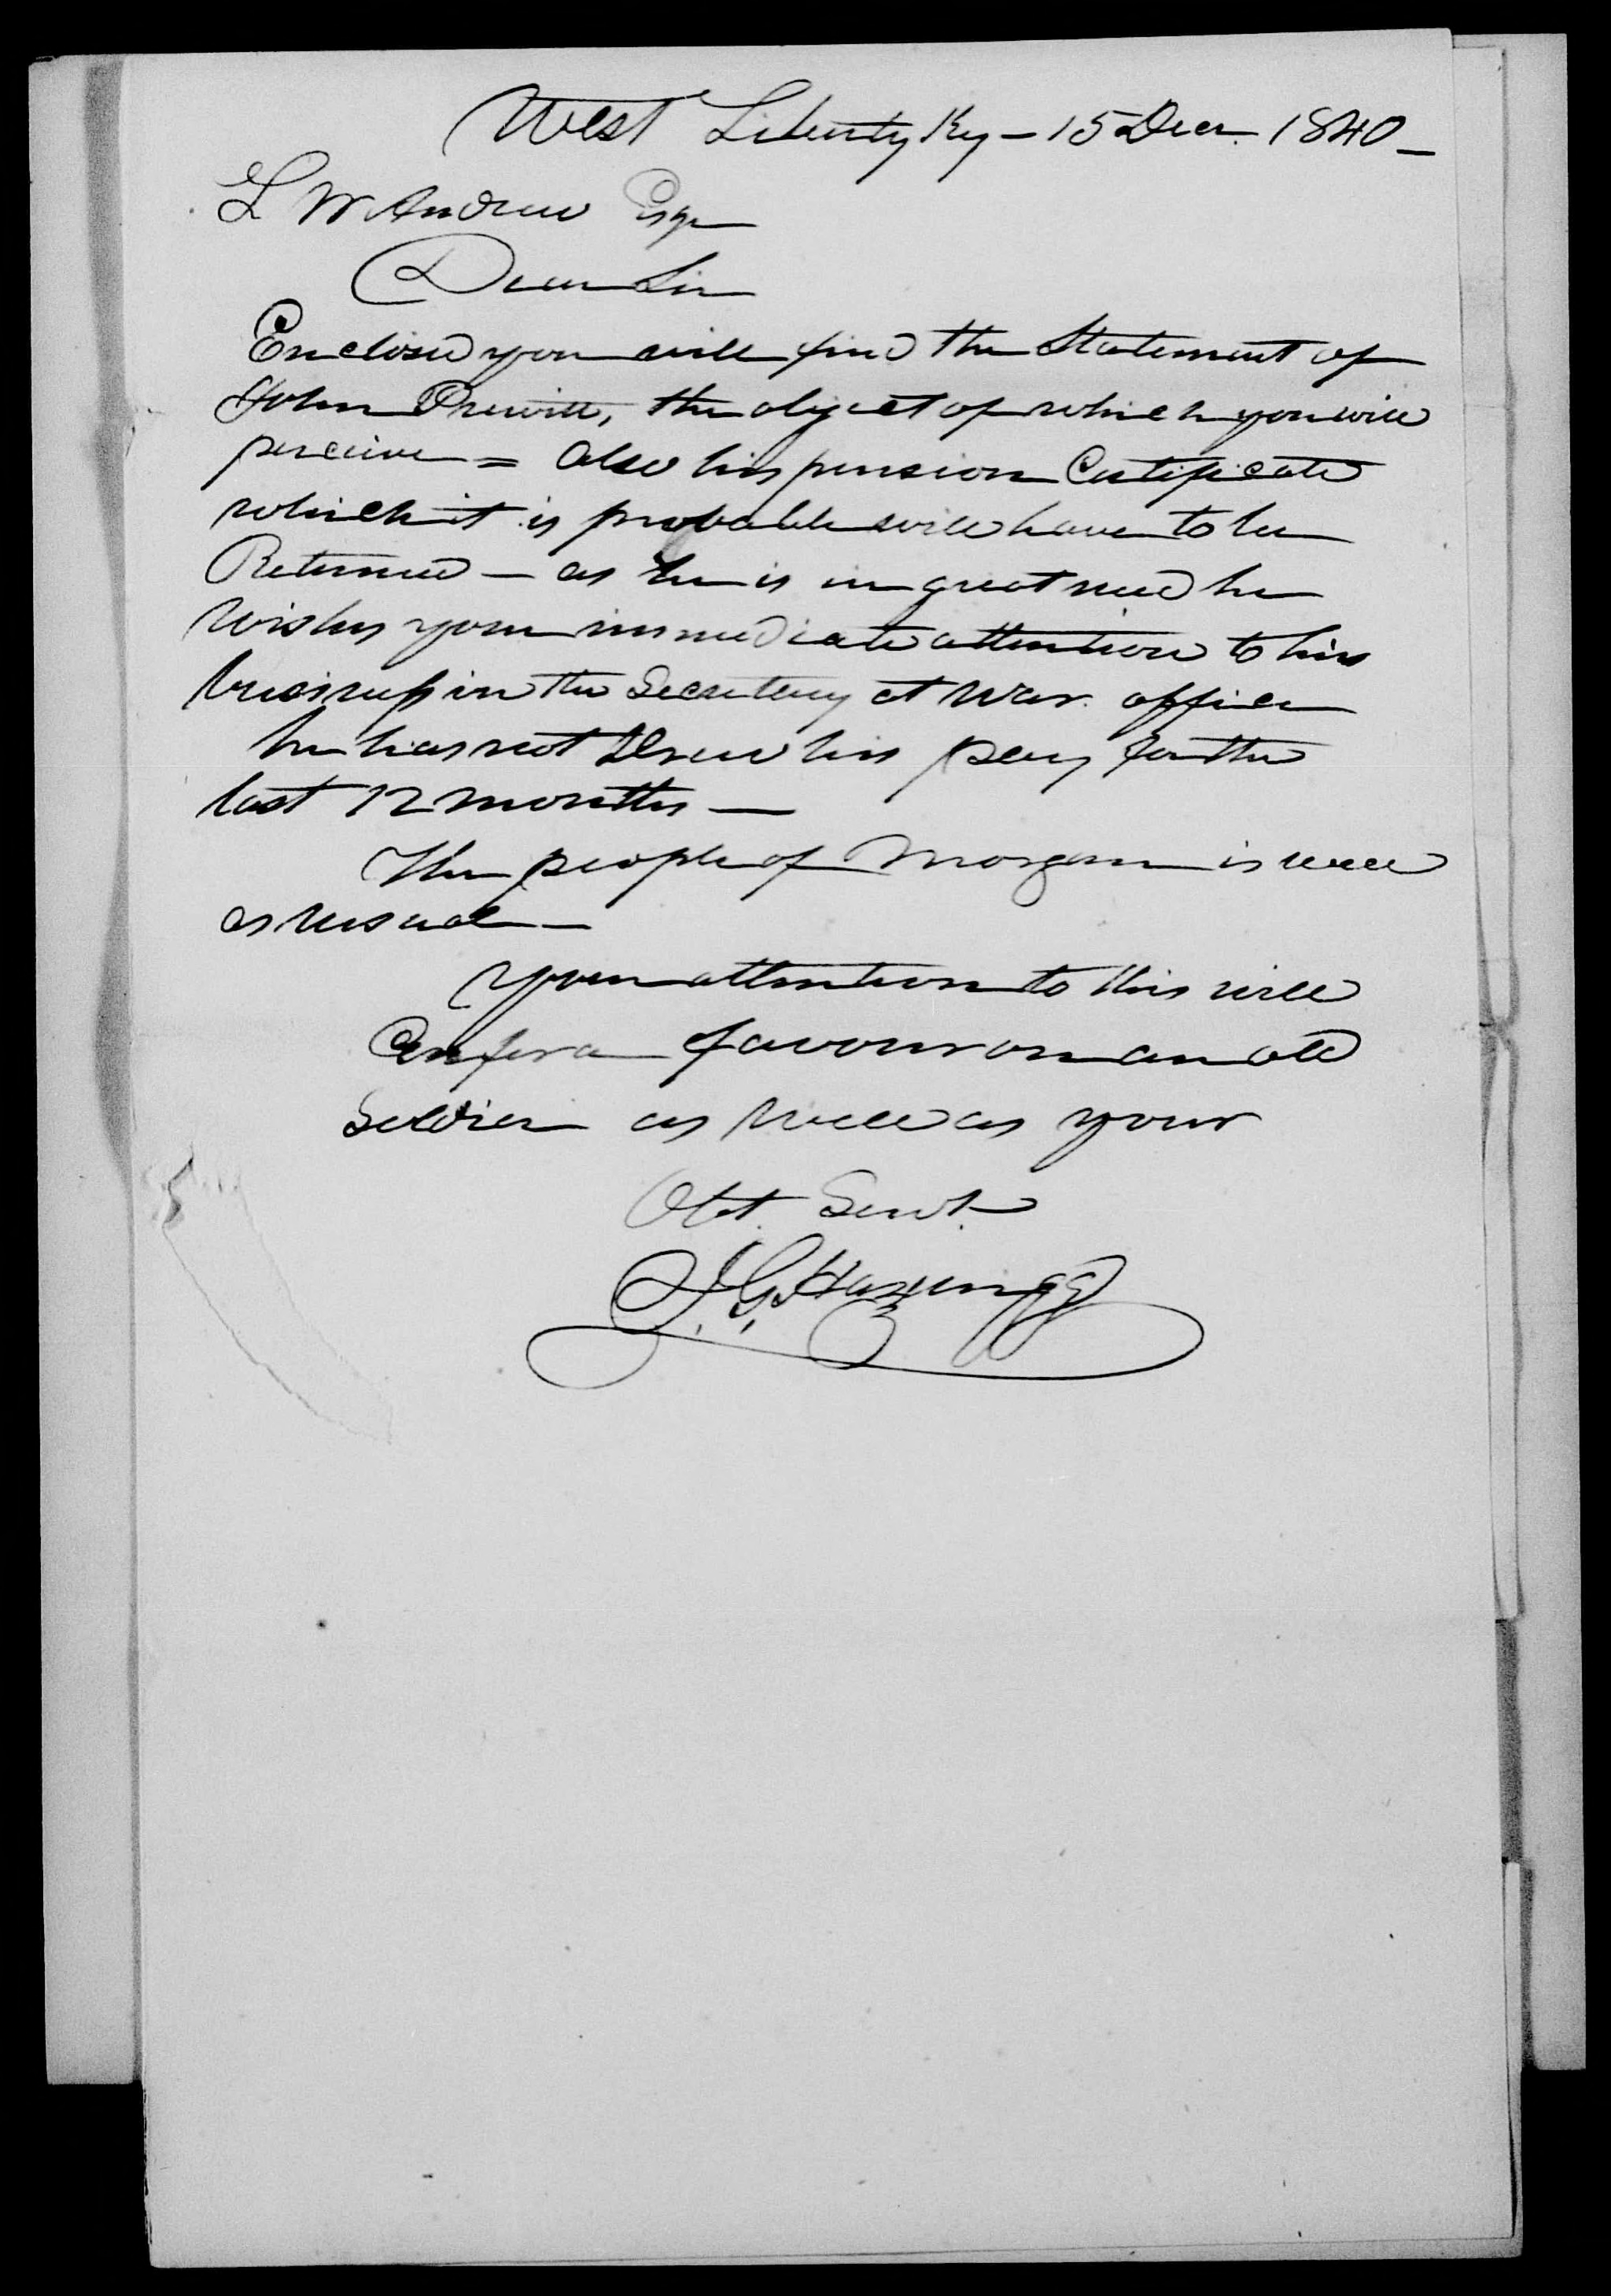West Liberty Ky - 15 Decr 1840-
L W Andrew Esqr
Dear Sir
Enclosed you will find the Statement of John Prewitt, the object of which you will perceive = Also his pension Certificate which it is probable will have to be Returned - as he is in great need he wishes your immediate attention to his business in the Secretary of War office he has not Drew his pay for the last 12 months -
The people of Morgan is well as usual -
Your attention to this will Confer a favour on an old Soldier as well as your
Obt. Servt.
J, G, Hazelrigg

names: J G Hazelrigg; John Prewitt; L W Andrew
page: 33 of 35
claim: survivor's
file: S. 30,665, for John Prewett, Virginia